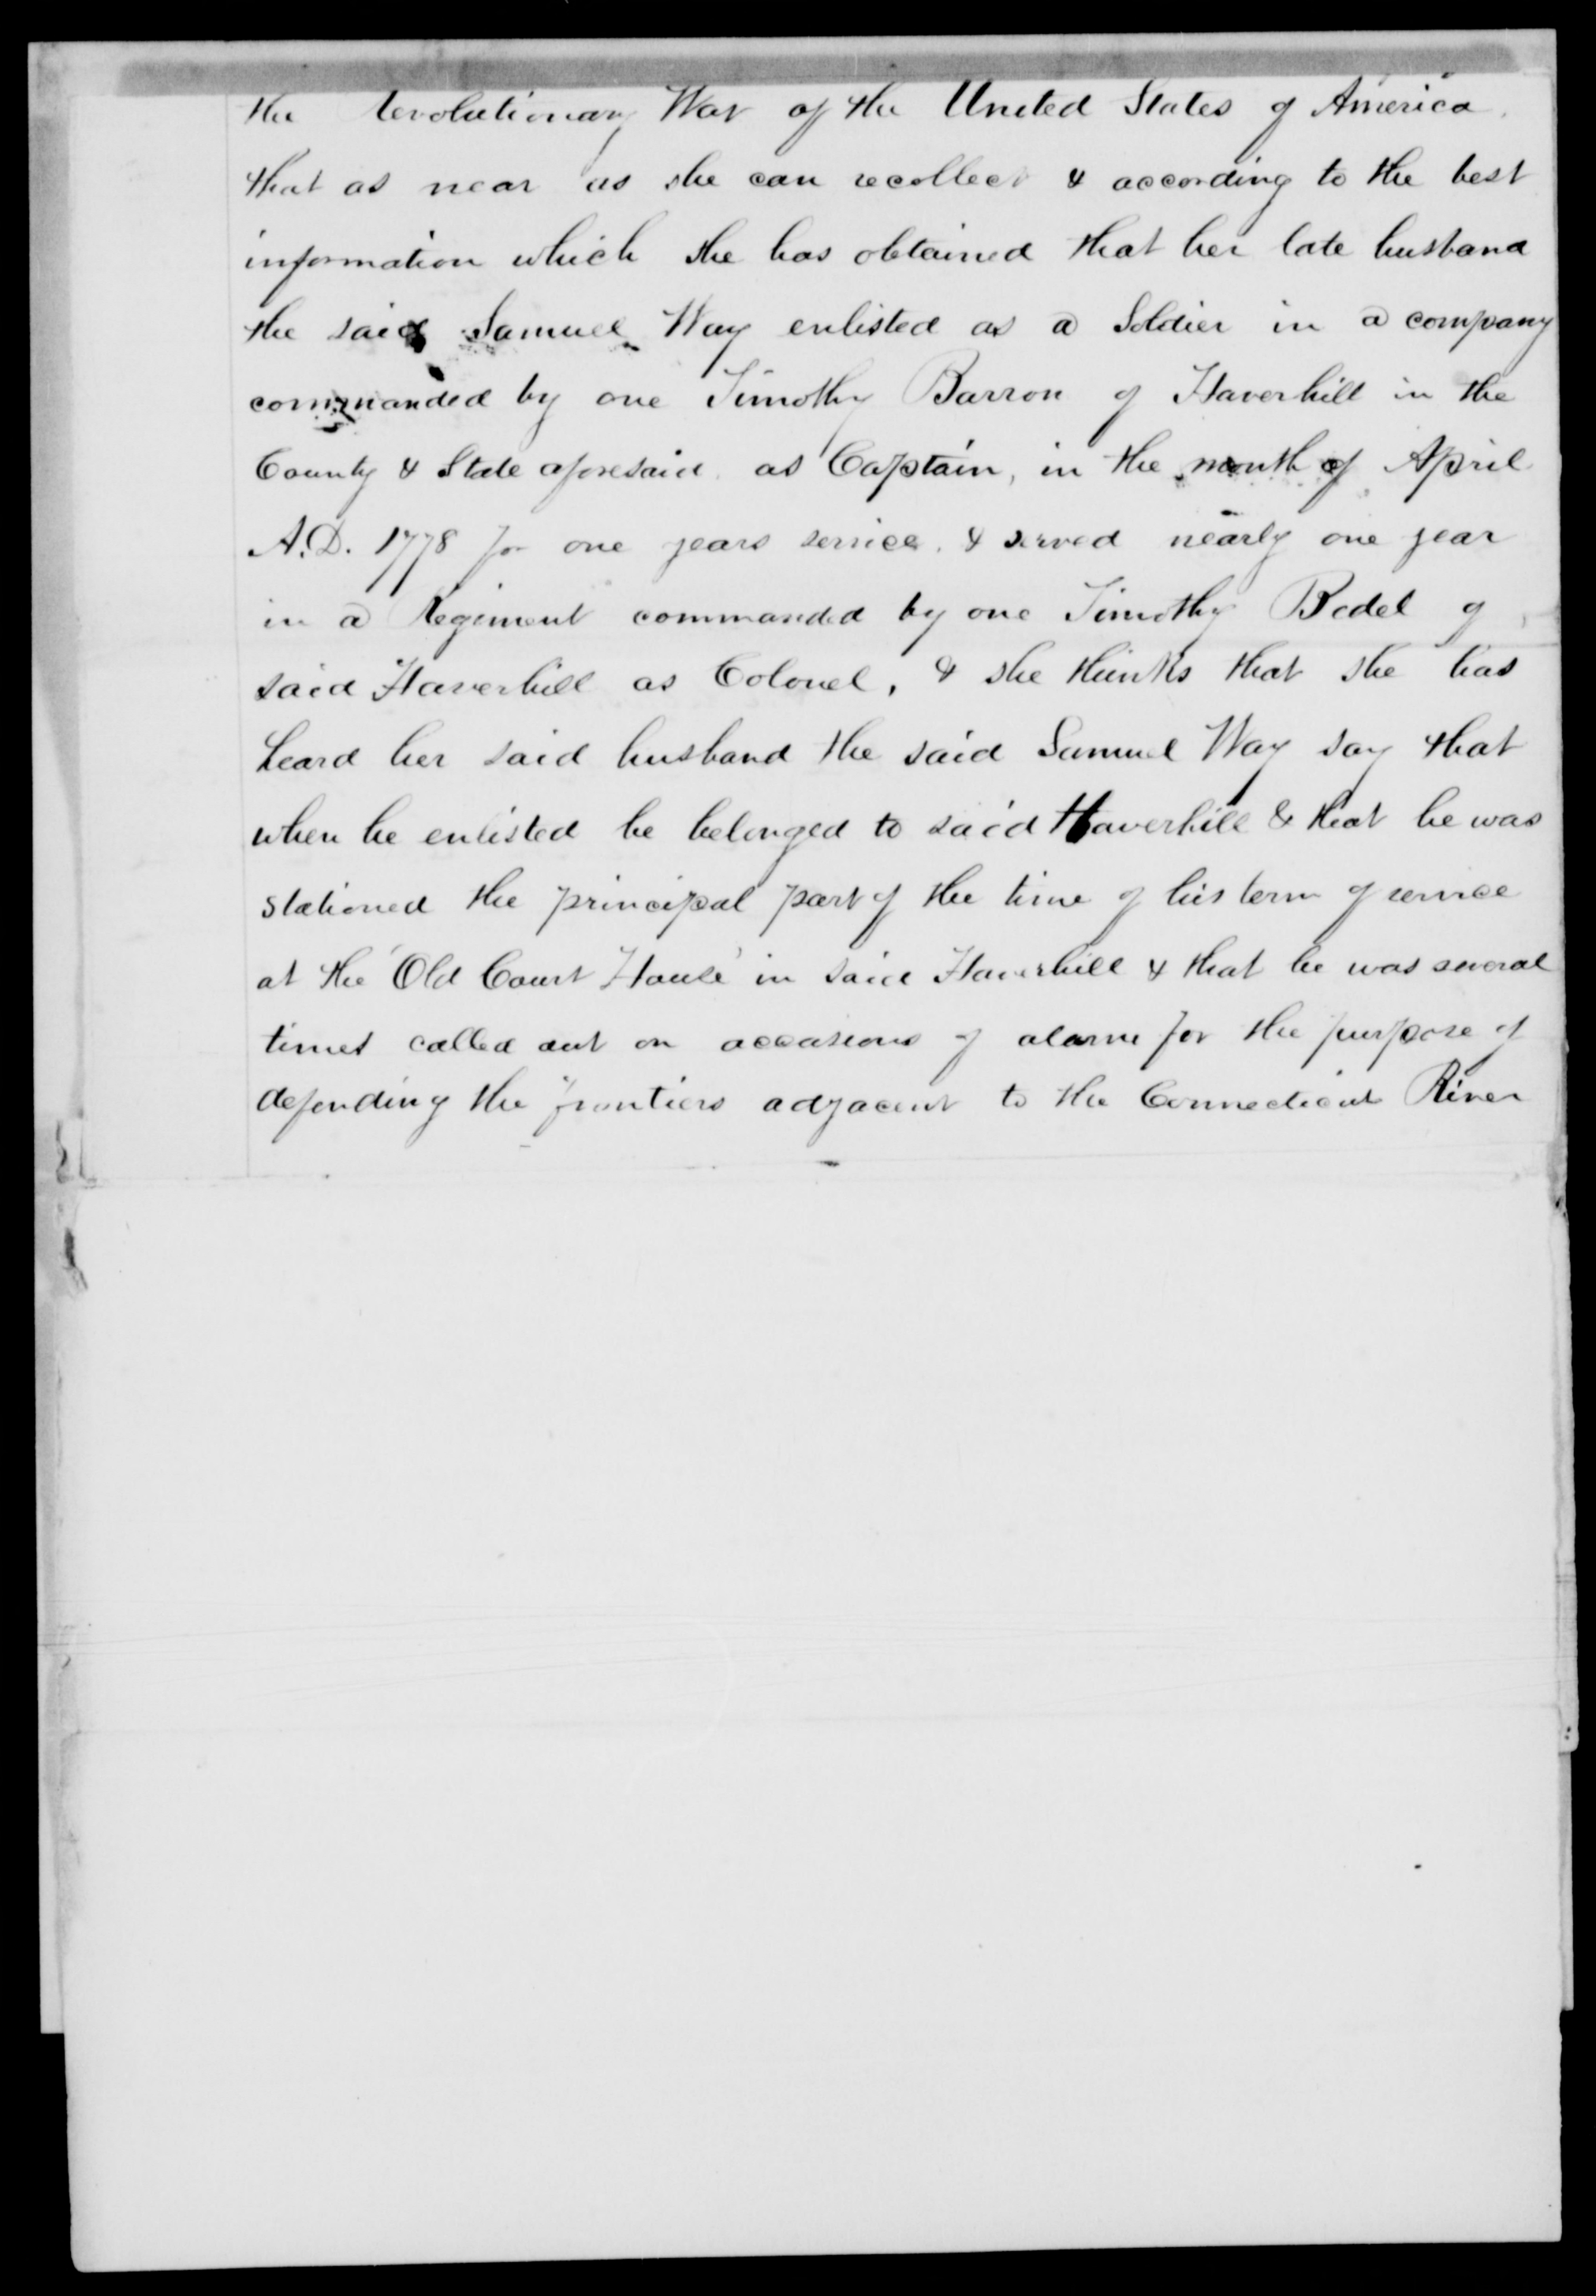the Revolutionary War of the United States of America
that as near as she can recollect & according to the best
information which she has obtained that her late husband
the said Samuel Way enlisted as a Soldier in a company
commanded by one Timothy Barron of Haverhill in the
County & State aforesaid as Captain, in the month of April
A.D. 1778 for one years service & served nearly one year
in a Regiment commanded by one Timothy Bedel of
said Haverhill as Colonel, & she thinks that she has
heard her said husband the said Samuel Way say that
when he enlisted he belonged to said Haverhill & that he was
stationed the principal part of the time of his term of service
at the Old Court House in said Haverhill & that he was several
times called out on occasions of alarm for the purpose of
defending the frontiers adjacent to the Connecticut River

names: Timothy Bedel, Samuel Way, Timothy Barron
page: 16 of 78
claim: widow's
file: W. 25856, Samuel Way, N.H.